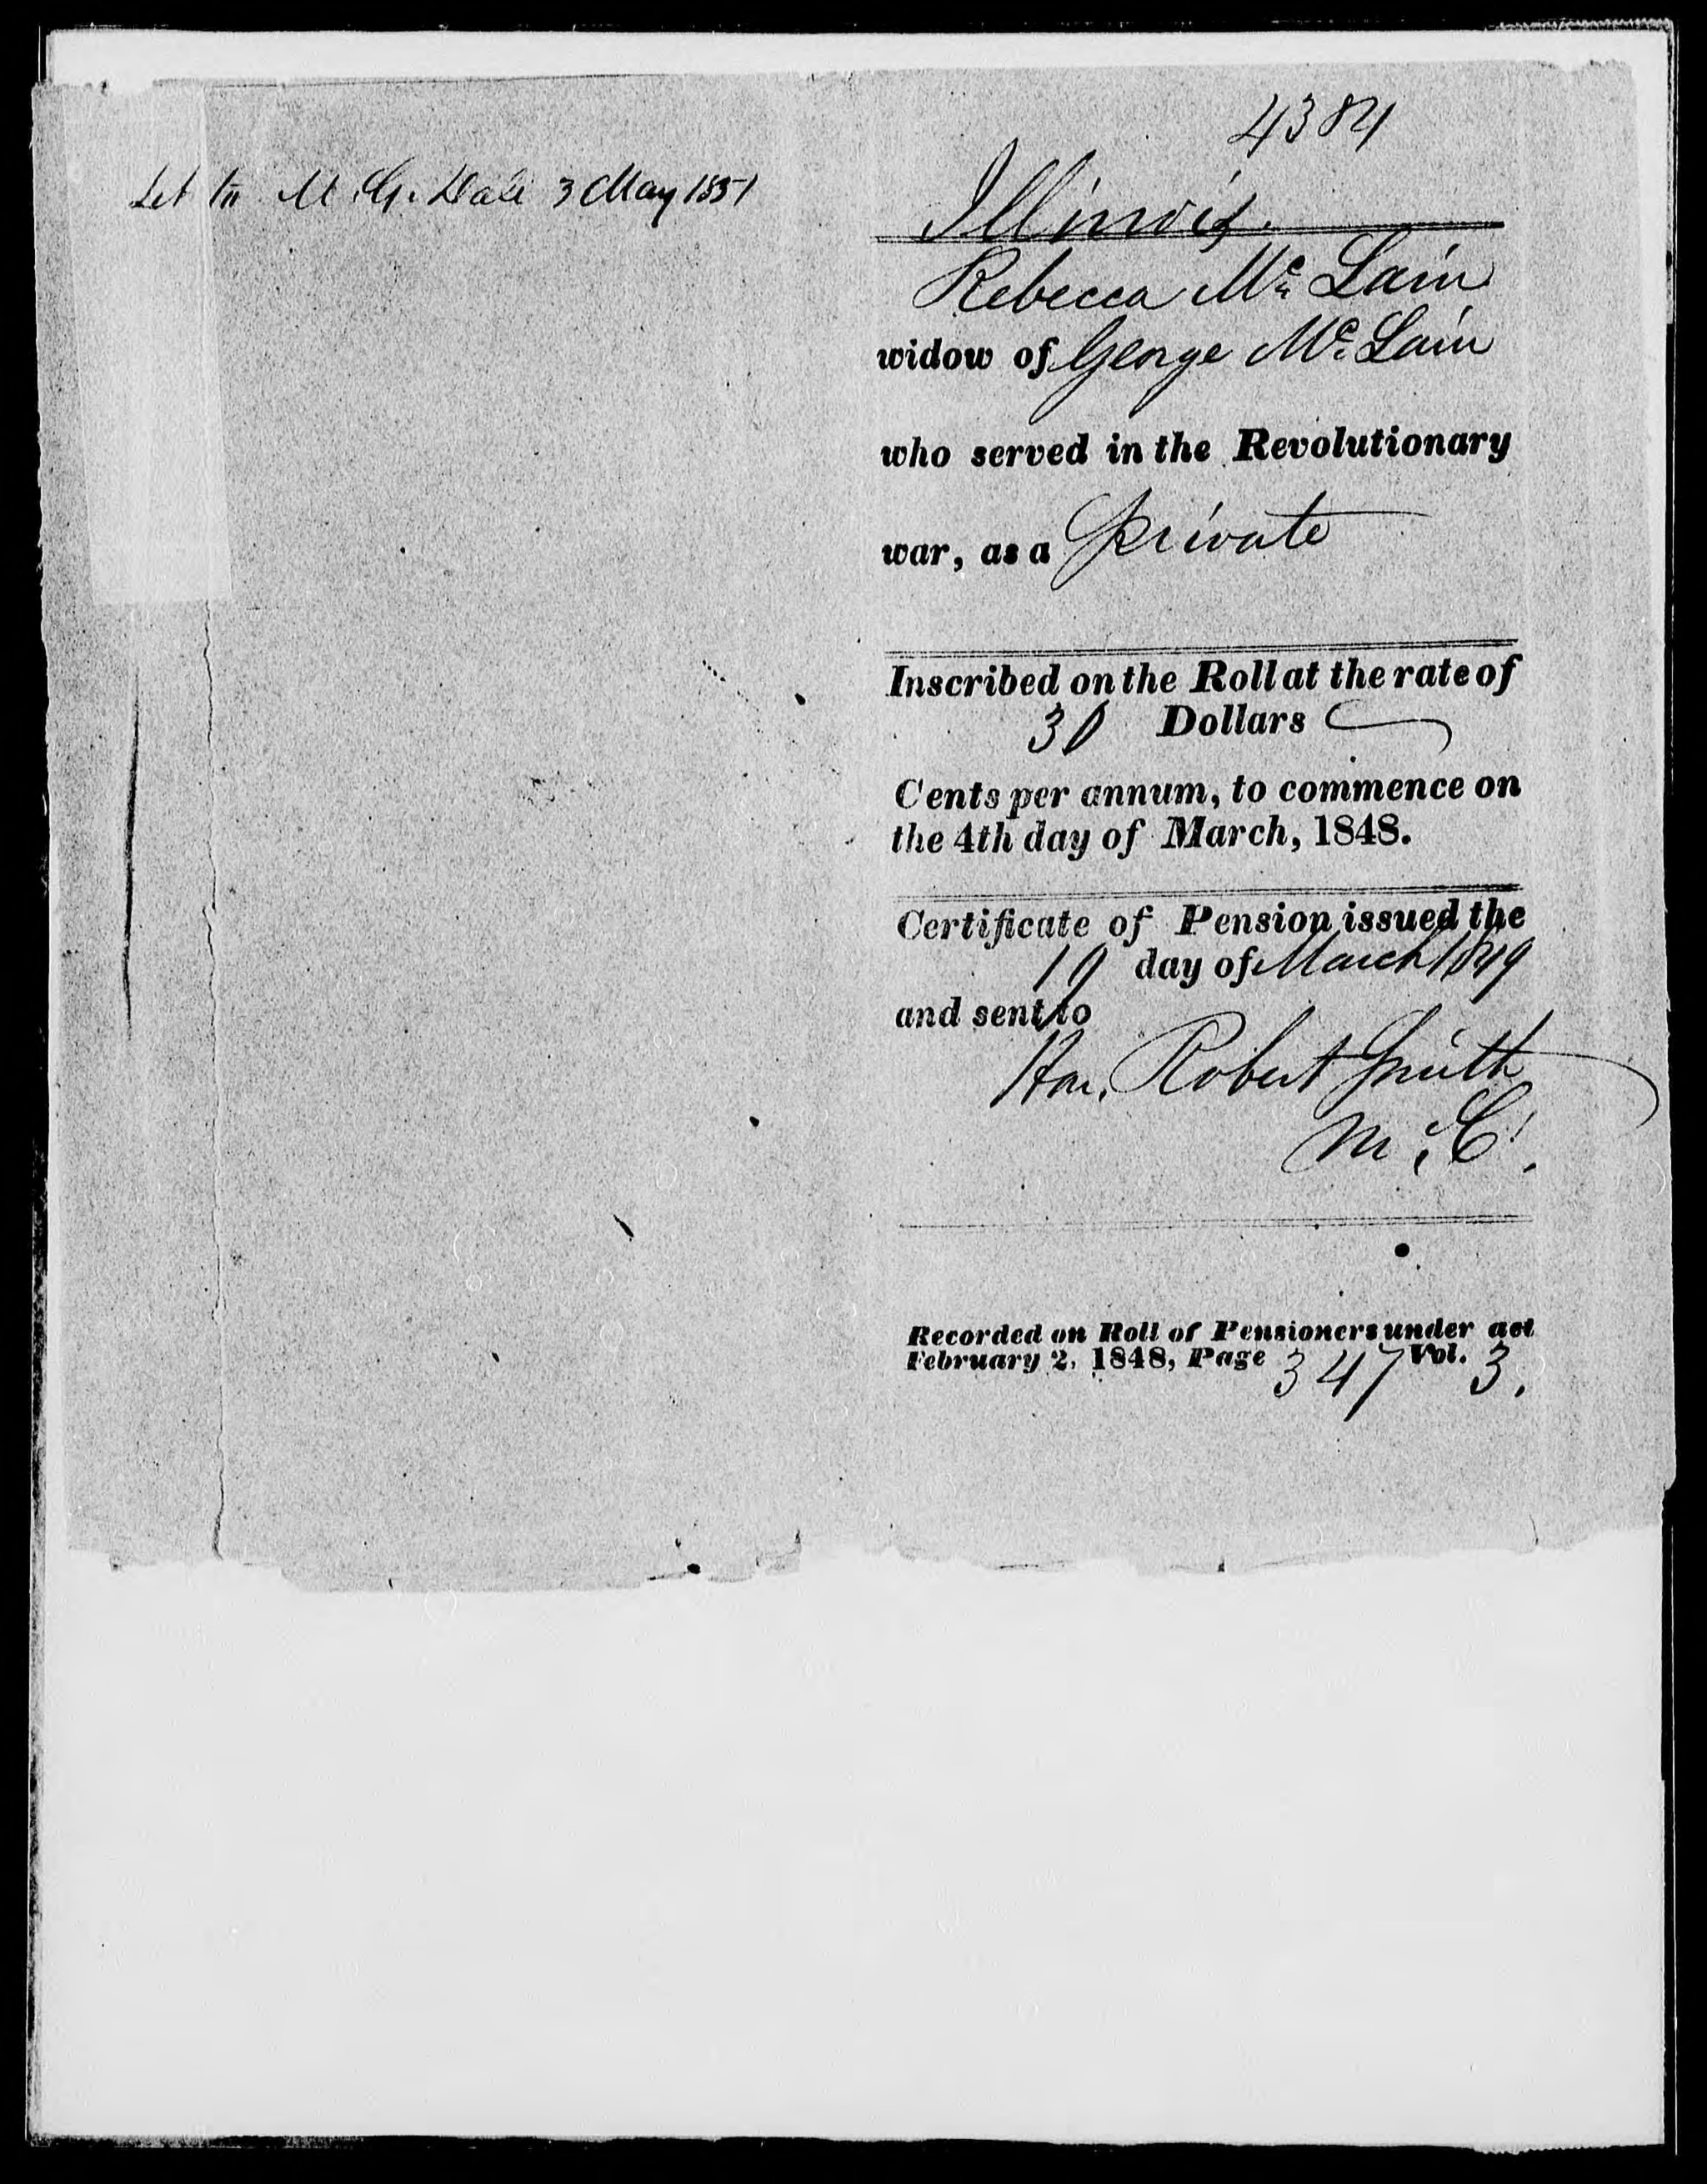[typed form, with handwritten responses]

[left side] Let to M. G Dale 3 May 1851

[right side] 4384 Illinois Rebecca McLain widow of George McLain who served in the Revolutionary war , as a private 

Inscribed on the Roll at the rate of 30 Dollars -- Cents per annum, to commence on the 4th day of March, 1848. 

Certificate of Pension issued the 19 day of March 1849 and sent to Hon. Robert Smith N C

Recorded on Roll of Pensioners under Act February 2, 1848, Page 347 Vol. 3.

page: 29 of 67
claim: widow's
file: W. 21793, for George Mc Lain, North Carolina